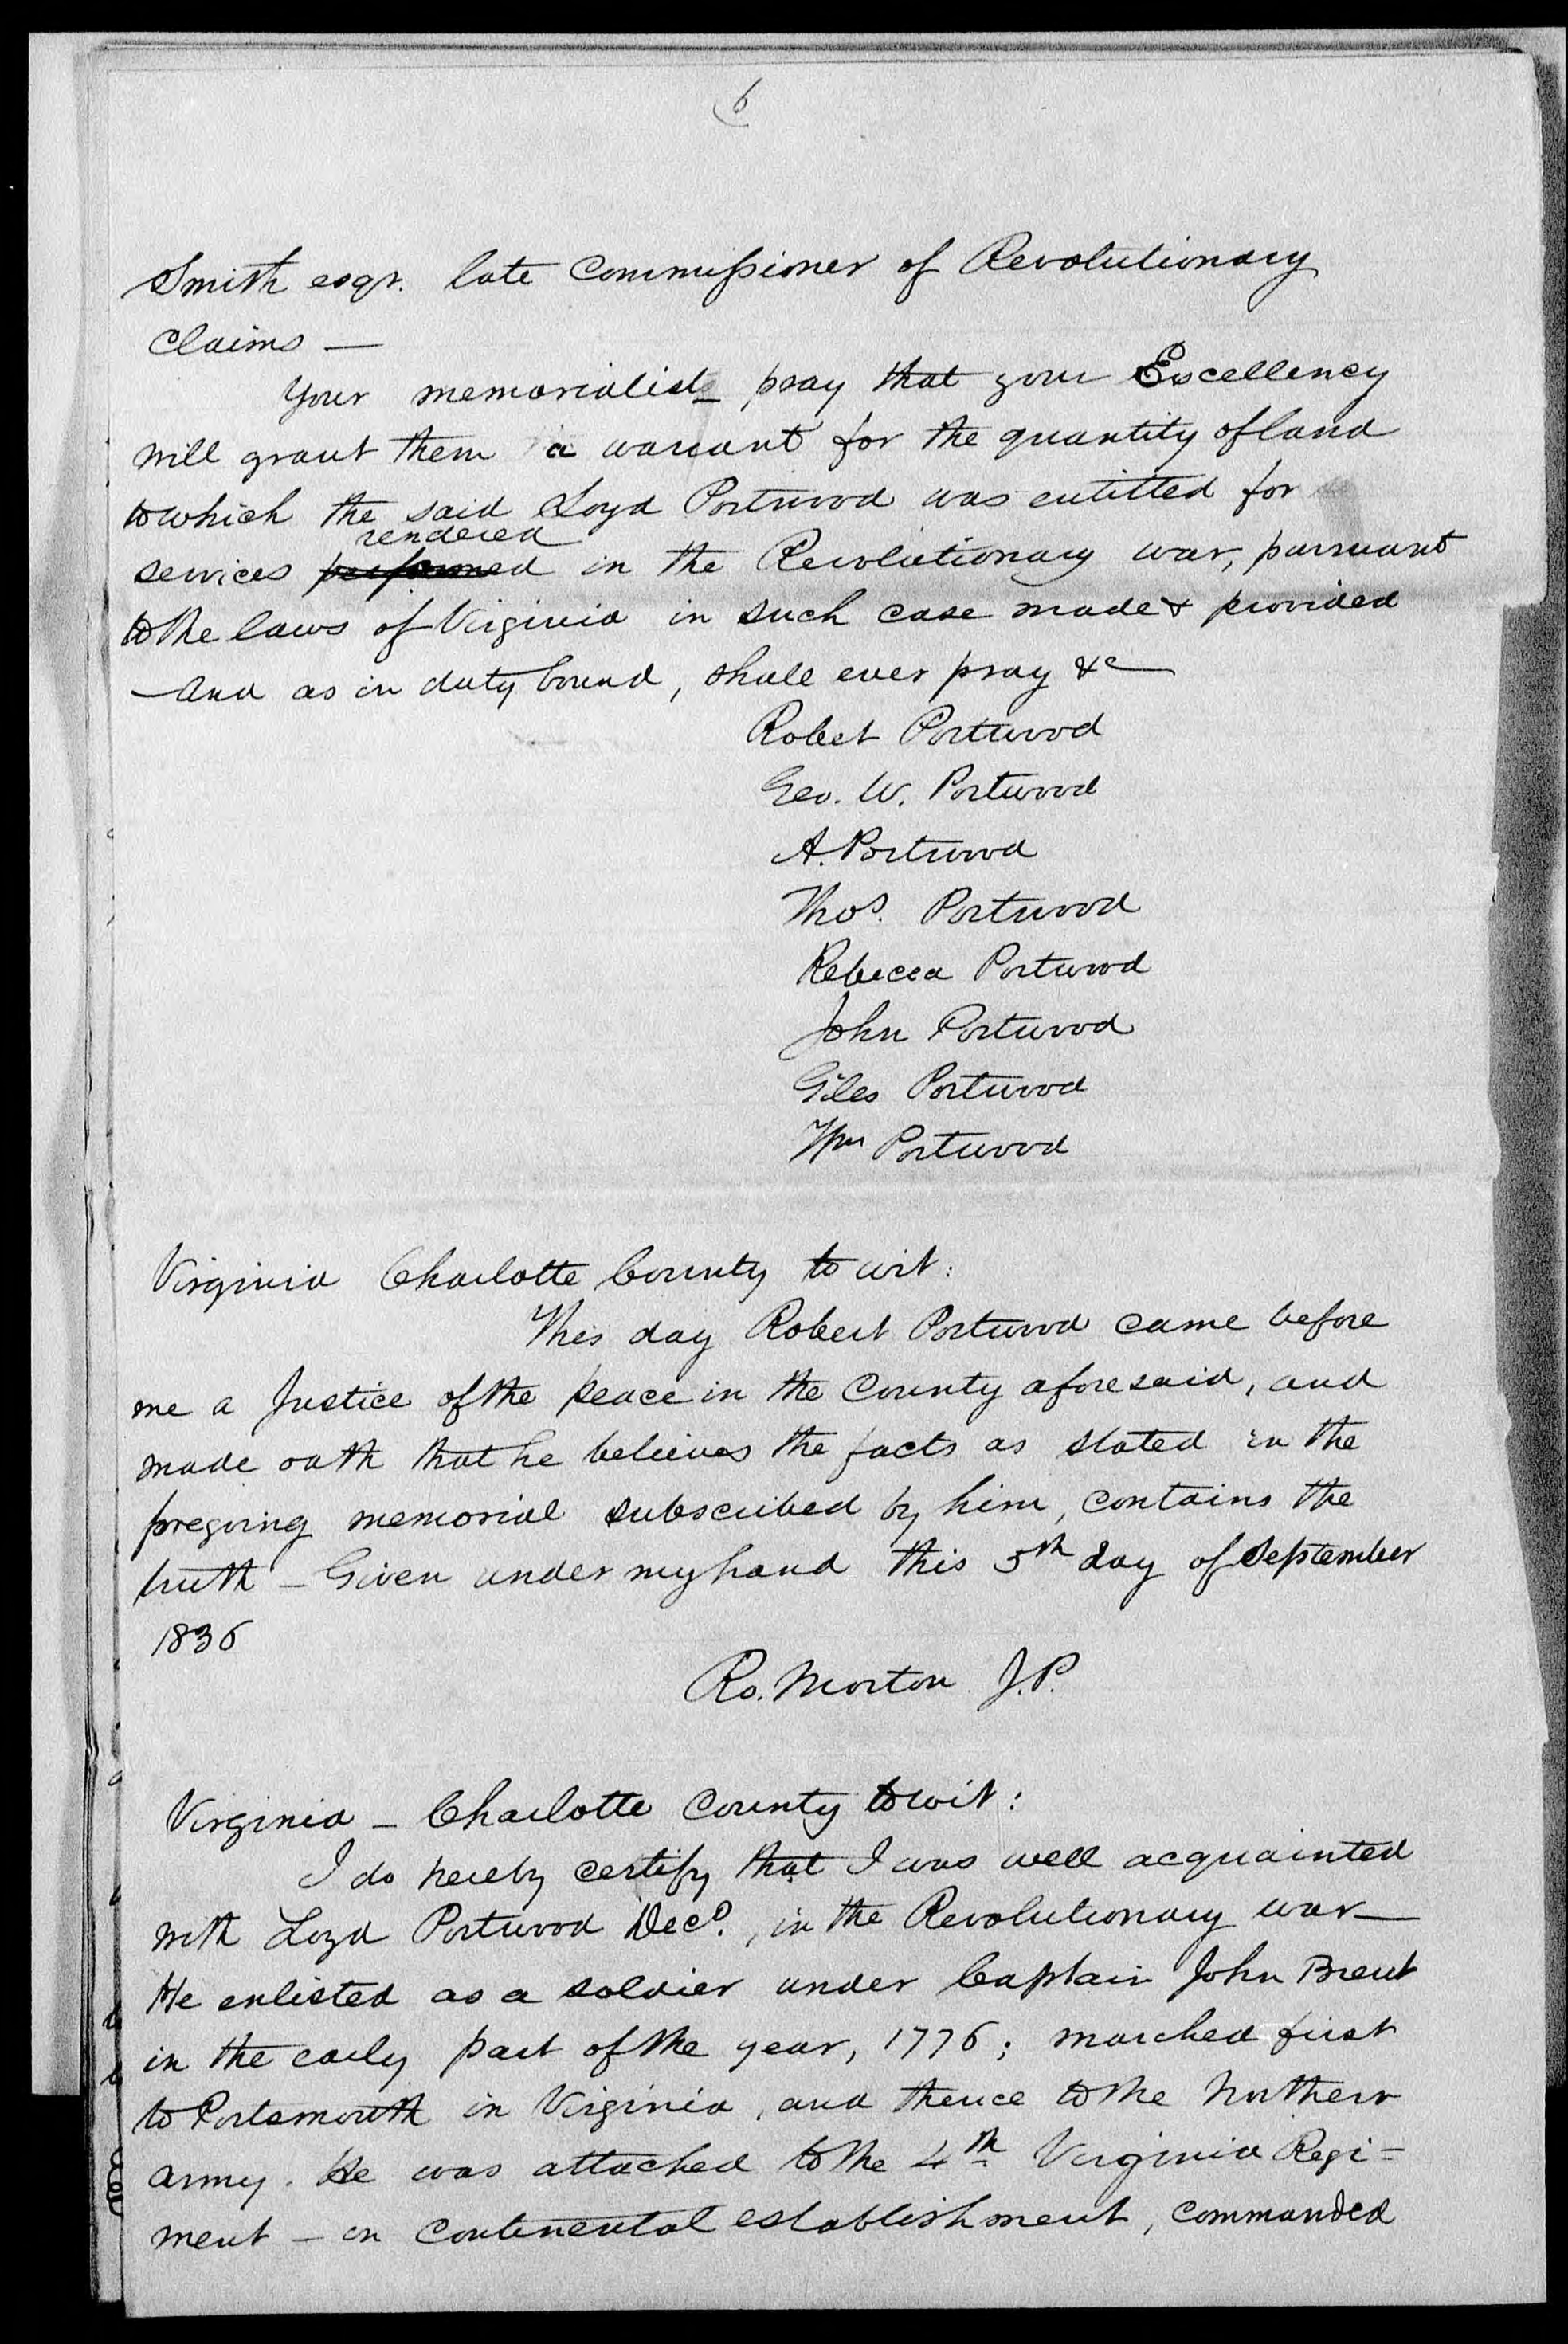6
Smith esqr. late Commissioner of Revolutionary
Claims_
Your memorialist_ pray that your Excellency
will grant them a warrant for the quantity of land
to which the said Loyd Portwood was entitled for
services performed [lined out] rendered [inserted] in the Revolutionary war, pursuant
to the laws of Virginia in such case made & provided
_and as is duty bound, shall ever pray &c
| Robert Portwood
| Geo. W. Portwood
| A. Portwood
| Thos. Portwood
| Rebecca Portwood
| John Portwood
| Giles Portwood
| Wm Portwood
Virginia Charlotte County to wit:
This day Robert Portwood came before
me a Justice of the peace in the County aforesaid, and
made oath that he believes the facts as stated in the
foregoing memorial subscribed by him, contains the
truth - Given under my hand this 5th day of September
1836
| Ro. Morton J.P.
Virginia _ Charlotte County to wit:
I do hereby certify that I was well acquainted
with Loyd Portwood Decd., in the Revolutionary war_
He enlisted as a soldier under Captain John Brent
in the early part of the year, 1776, marched first
to Portsmouth in Virginia, and thence to the Northern
army. He was attached to the 4th Virginia Regiment
- on continental establishment, commanded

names: John Portwood; Wm Portwood; Loyd Portwood; Thos Portwood; A Portwood; Rebecca Portwood; Giles Portwood; Robert Portwood; John Brent; Ro Morton; [BLANK] Smith; Geo W Portwood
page: 47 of 50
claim: widow's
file: W. 1929, for Lloyd Portwood, Virginia